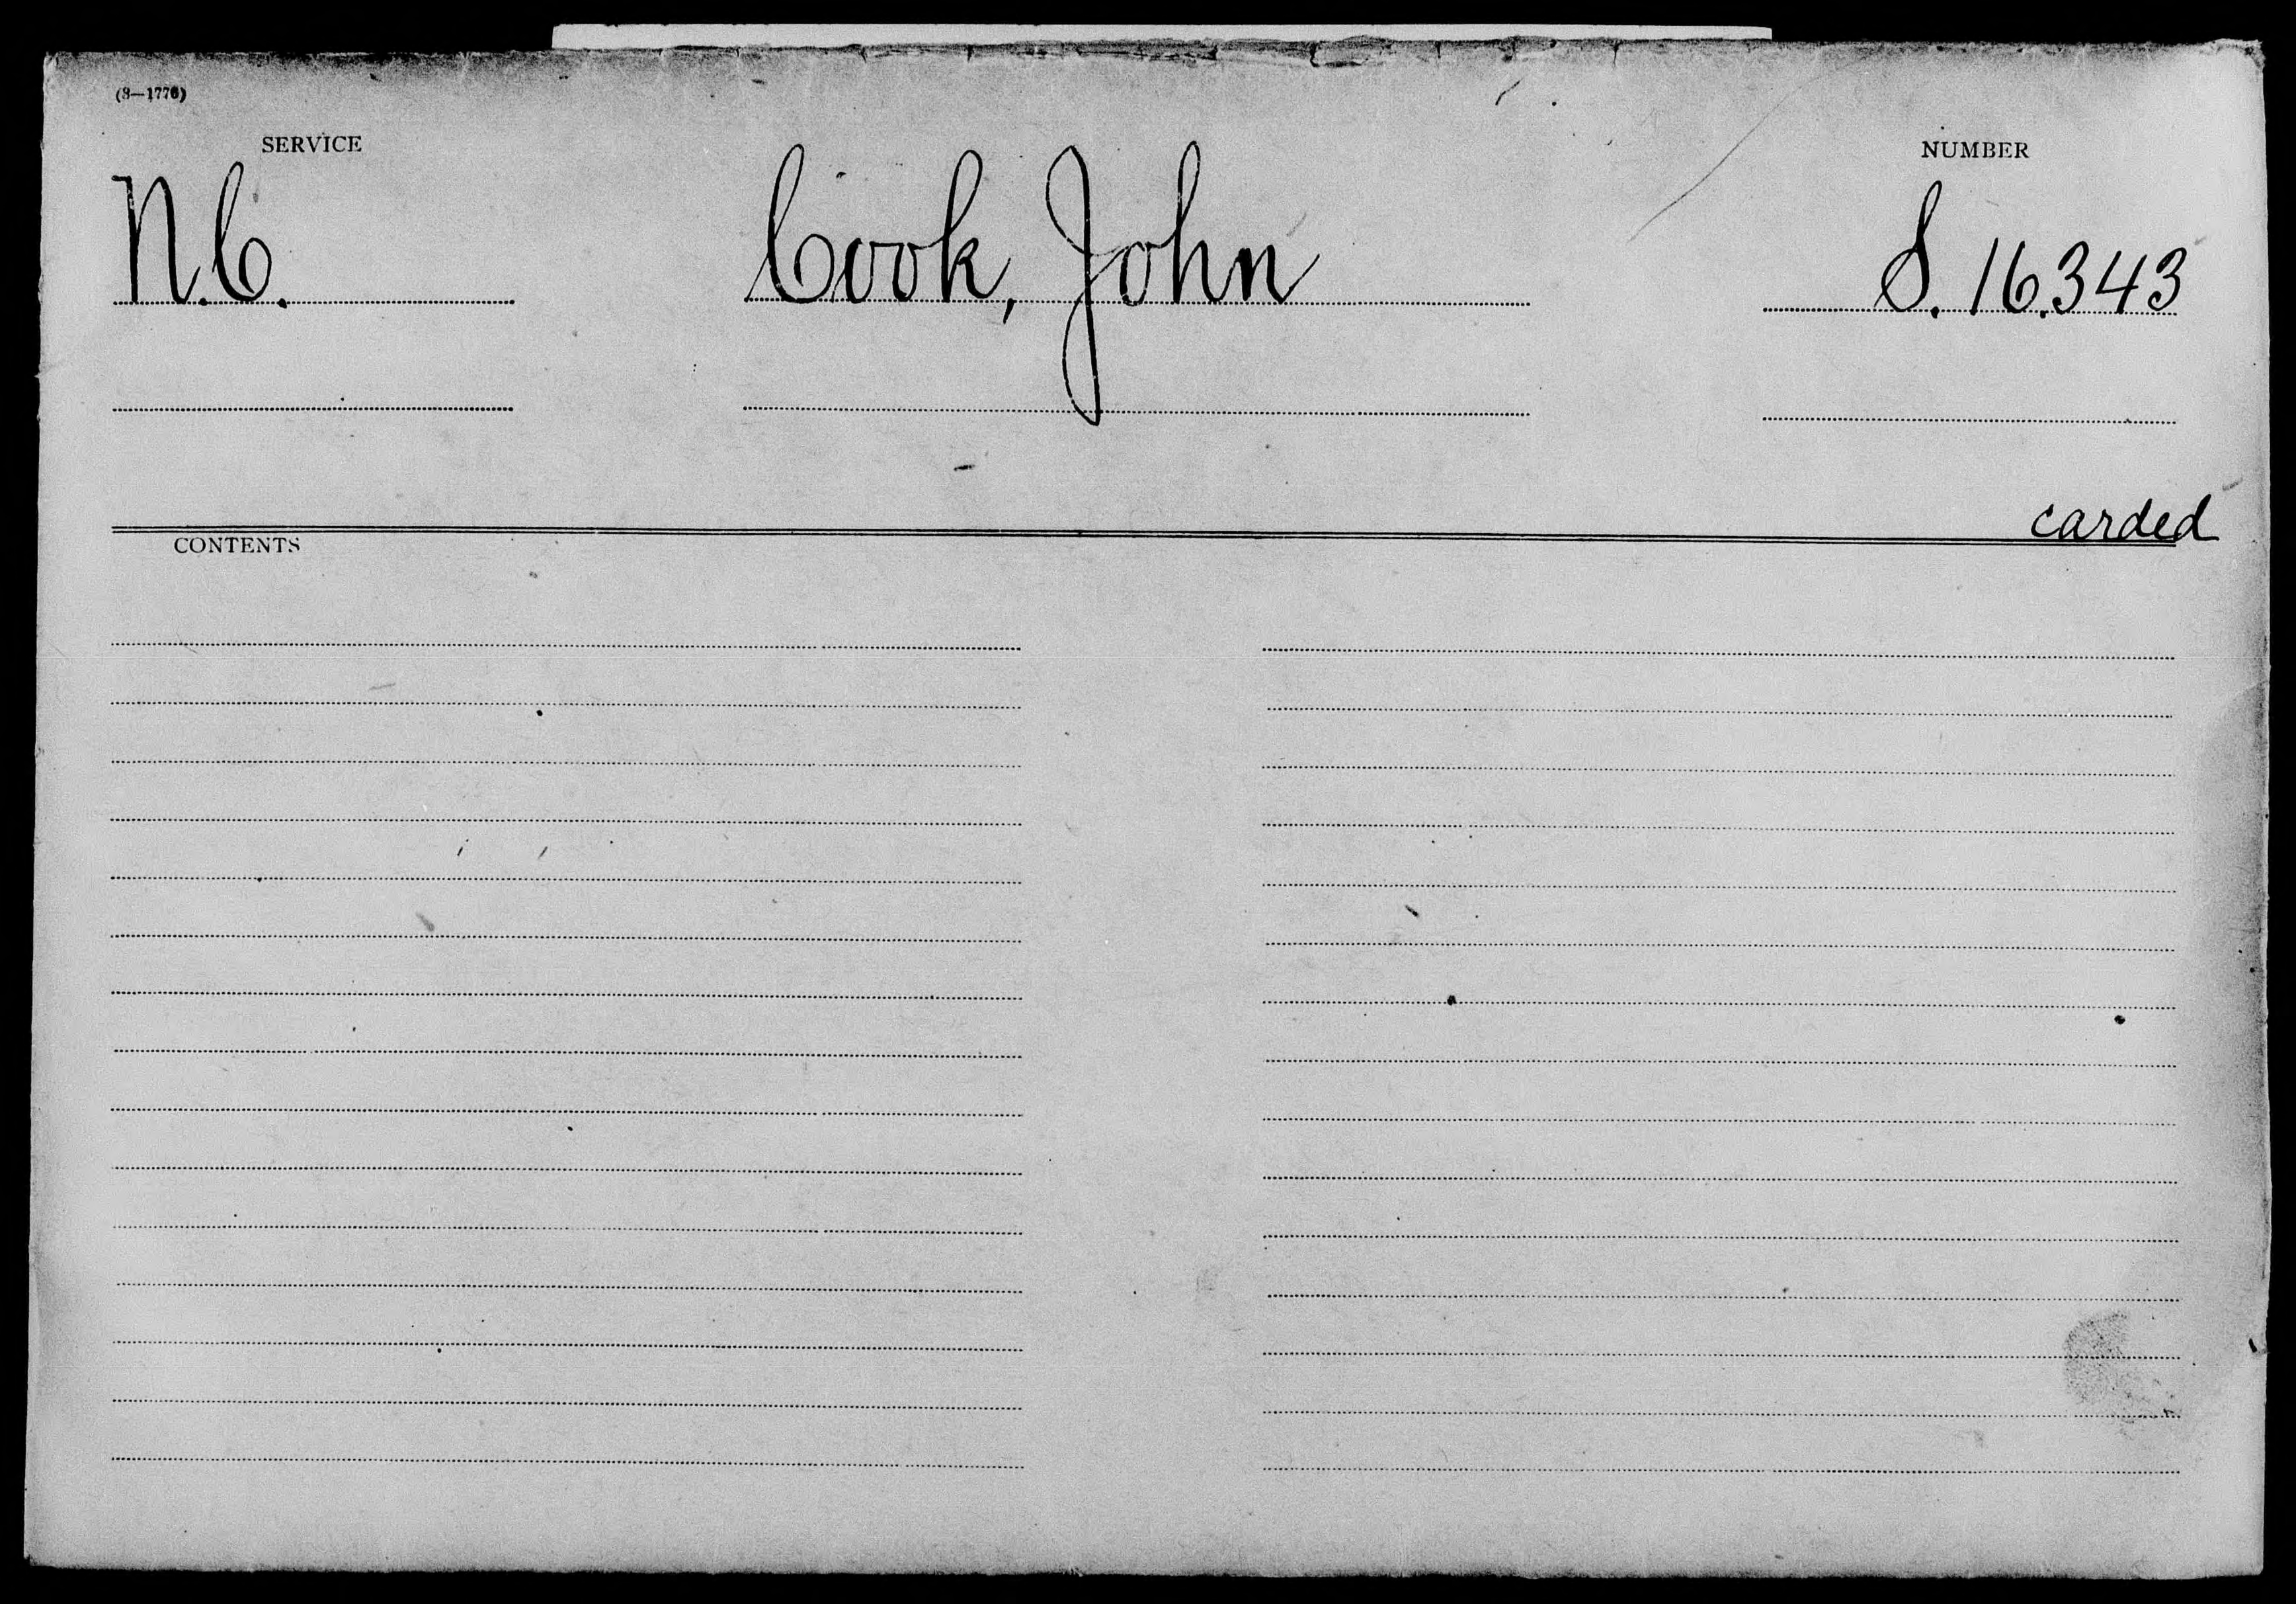N.C.  Cook, John  S. 16.343


carded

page: 1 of 18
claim: survivor's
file: S. 16,343, John Cook, N.C.